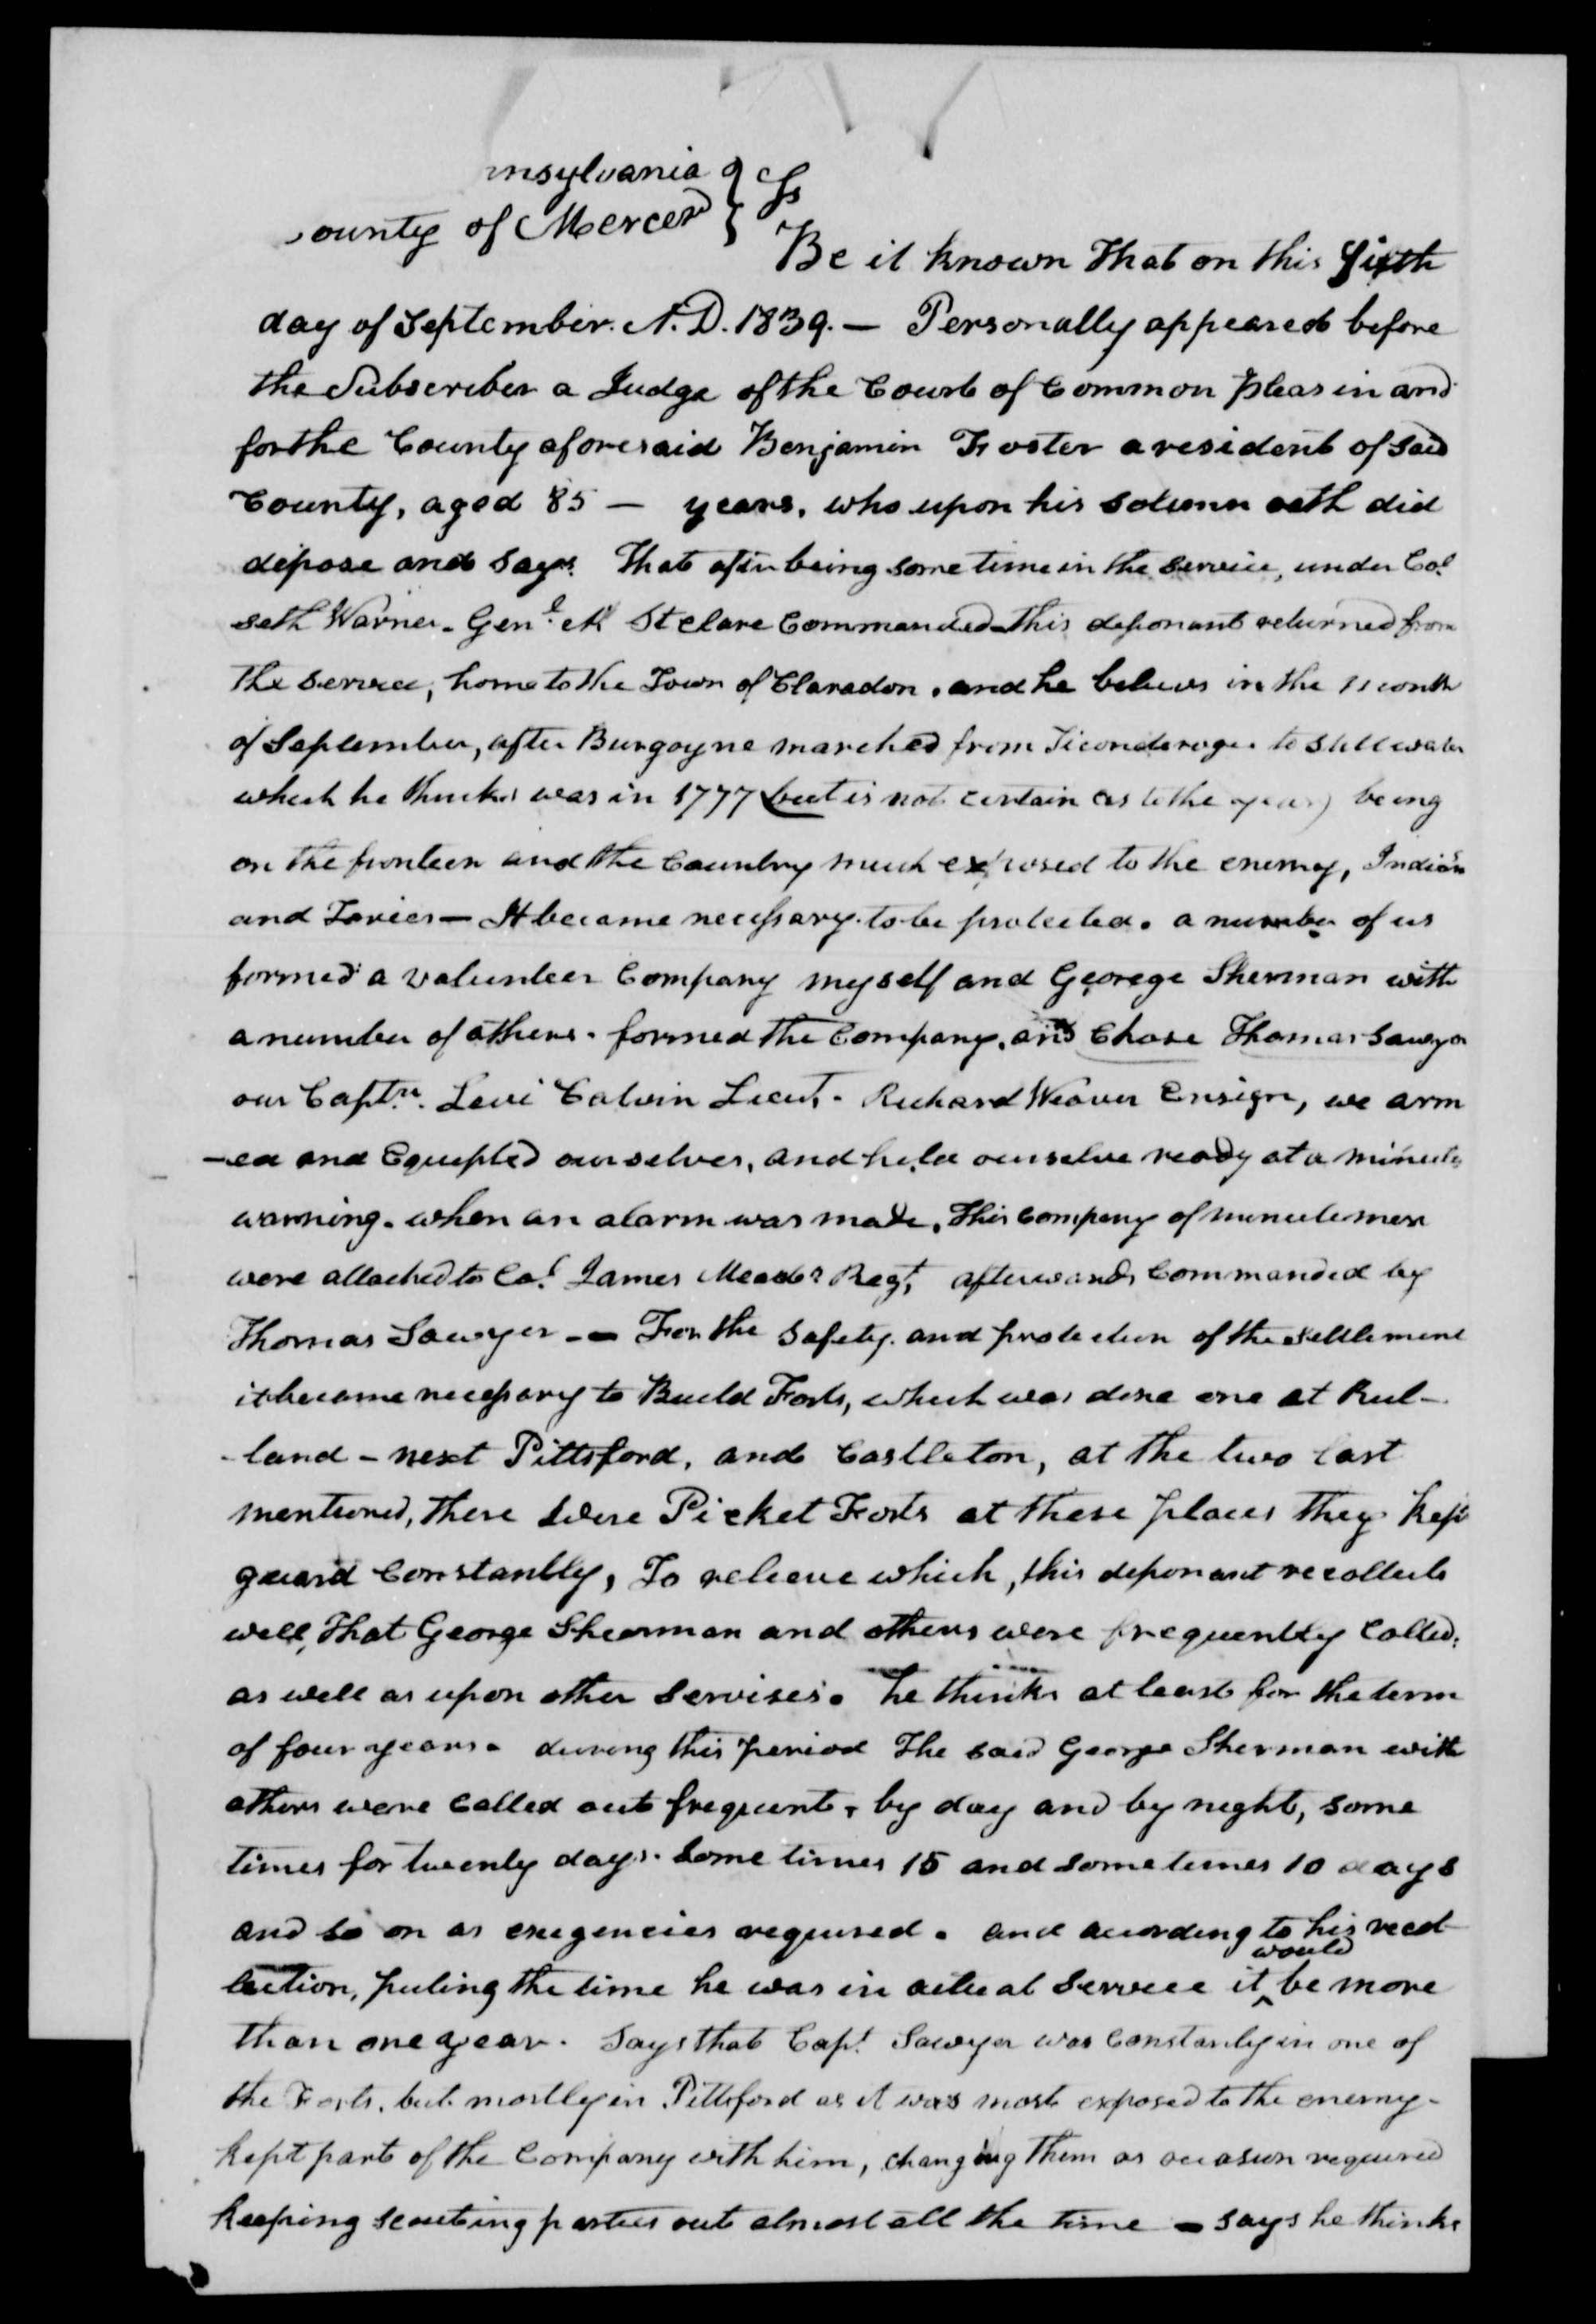Sylvania 
County of Mercer
Be it known that on this fifth
day of September A.D. 1839. Personally appeared before
the Subscriber a Judge of the Court of Common pleas in and
for the County aforesaid Benjamin Foster a resident of said
County, aged 85 - years, who upon his solemn oath did
depose and say: That after being sometime in the service, under Col
Seth Warner, Genl St Clare commanded this deponent returned from
the service, home to the Town of Clarendon, and he believes in the month
of September, after Burgoyne marched from Ticonderoga to Sull water
which he thinks was in 1777 but is not certain as to the year, being
on the fourteen and the Country much exposed to the enemy, Indian
and Tories-- I became necessary to be protected, a number of us
formed a volunteer Company myself and George Sherman with
a number of others, formed the Company and Chase Thomas Sawyer our
Capt. Levi Calvin Lieu Richard Weaver Ensign, we arm
and Equipped ourselves, and held ourselves ready at a minute
warning, when an alarm was made. This company of minutemen
were attached to Col James Mead Regt afterward commanded by
Thomas Sawyer-- For the safety and protection of the Settlement
it became necessary to build forts, which was done one at Rul
land-- next Pittsford, and Castleton, at the two last
mentioned, there were Picket Forts at these places they kept
guard constantly, to relieve which, this deponent recollects
well, that George Sherman and others were frequently called
as well as upon other services, he thinks at least for the term
of four years during this period the said George Sherman with
others were called out frequent, by day and by night, some
times for twenty days sometimes 15 and sometime 10 days
and so on as exigencies required. and according to his recollection
, pulling the time, he was in actual service it be more than
one year. Says that Capt. Sawyer was constantly in one of the
Forts, but mostly in Pittsford as it was most exposed to the enemy
kept part of the company with him, changing them as occasion required
keeping scouting parties out almost all the time says he thinks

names: Thomas Sawyer; [BLANK] Sawyer; Thomas Sawyer; George Sherman; Seth Warner; George Shearman; Georege Sherman; Benjamin Foster; K St Clare; Richard Weaver; Levi Calvin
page: 39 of 52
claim: rejected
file: R. 9493, for George Sherman, Vermont